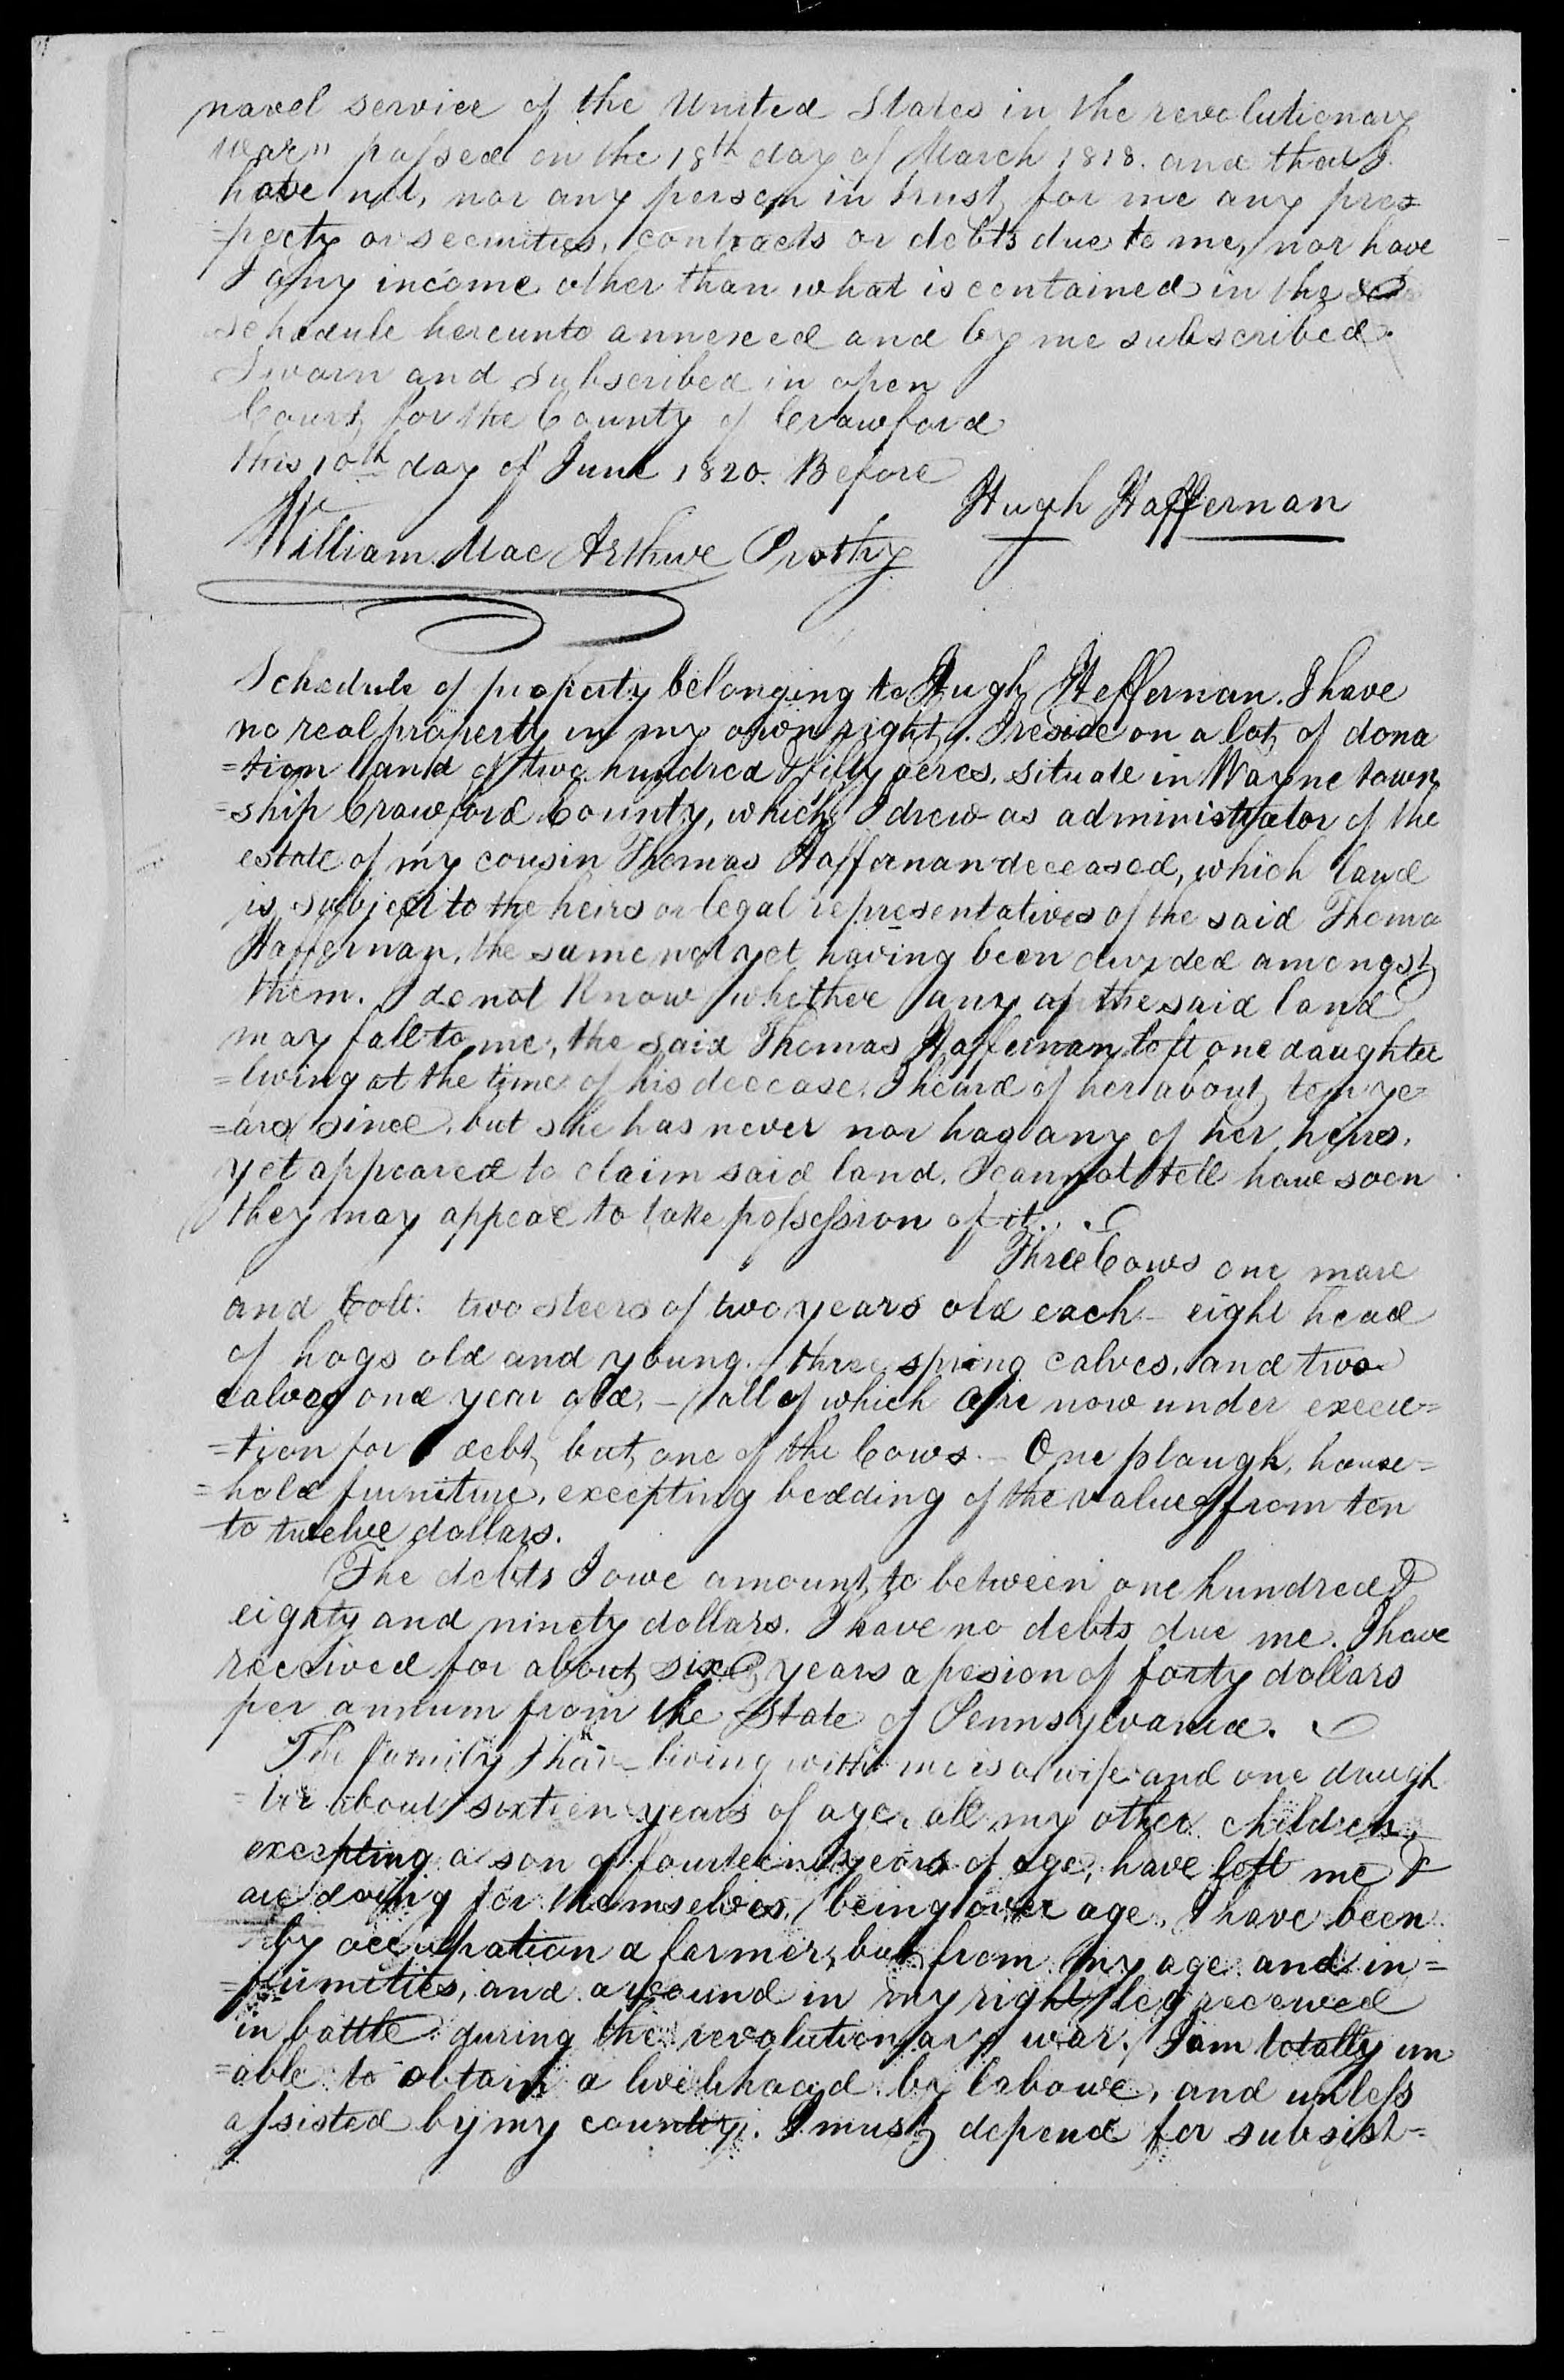navel service of the United States in the revolutionary War, passed on the 18th day of March 1818 and that I
have not, nor any person in trust for me any property or securities, contracts or debts due to me, nor have I any income other than what is contained in the schedule hereunto annexed and by me subscribed.
Sworn and subscribed in open
Court for the County of Crawford
this 10th day of June 1820 before
William Mac Arthur Prothy
Hugh Haffernan

Schedule of property belonging to Hugh Hefferman. 
I have no real property in my own right. I reside on a lot of donation land of two hundred & fifty acres, situate in Wayne township Crawford County, which I drew as administrator of the
estate of my cousin Thomas Haffernan deceased, which land is subject to the heirs or legal representatives of the said Thomas
Haffernan, the same not yet having been divided amongst them. I do not know whether any of the said land may fall to me, the said Thomas Heffernan left one daughter
living at the time of his decease. I heard of her about ten years since, but she has never nor has any of her heirs
yet appeared to claim said land, I cannot tell how soon they may appear to take possession of the
of it.
Three Cows one mare and Colt. two steers of two years old each, eight head of
hogs old and young, three spring calves, and two
Calves one year old, all of which are now under execution for debt, but one of the Cows. One plaugh, household furniture, excepting bedding of the value from ten to twelve dollars.
The debts I owe amount to between one hundred
eighty and ninety dollars. I have no debts due me. I have received for about six years a pension of forty dollars per annum from the state of Pennsylvania.  .
The family have living with me is a wife and one daughter about sixteen years of age, all my other children excepting a son of fourteen years of age, have left me & are doing for themselves, being over age. I have been by occupation a farmer; but from my age and infirmities, and a round in my right leg received in battle during the revolutionary war I am totally inable to obtain a livelihood by labour, and unless
assisted by my country, I must depend for subsist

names: Thomas Haffernan, Thomas Haffernan, William Mac Arthur, Thomas Haffernan, Hugh Heffernan, Hugh Haffernan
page: 8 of 21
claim: rejected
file: R. 4419, Hugh Haffernan, Penn.